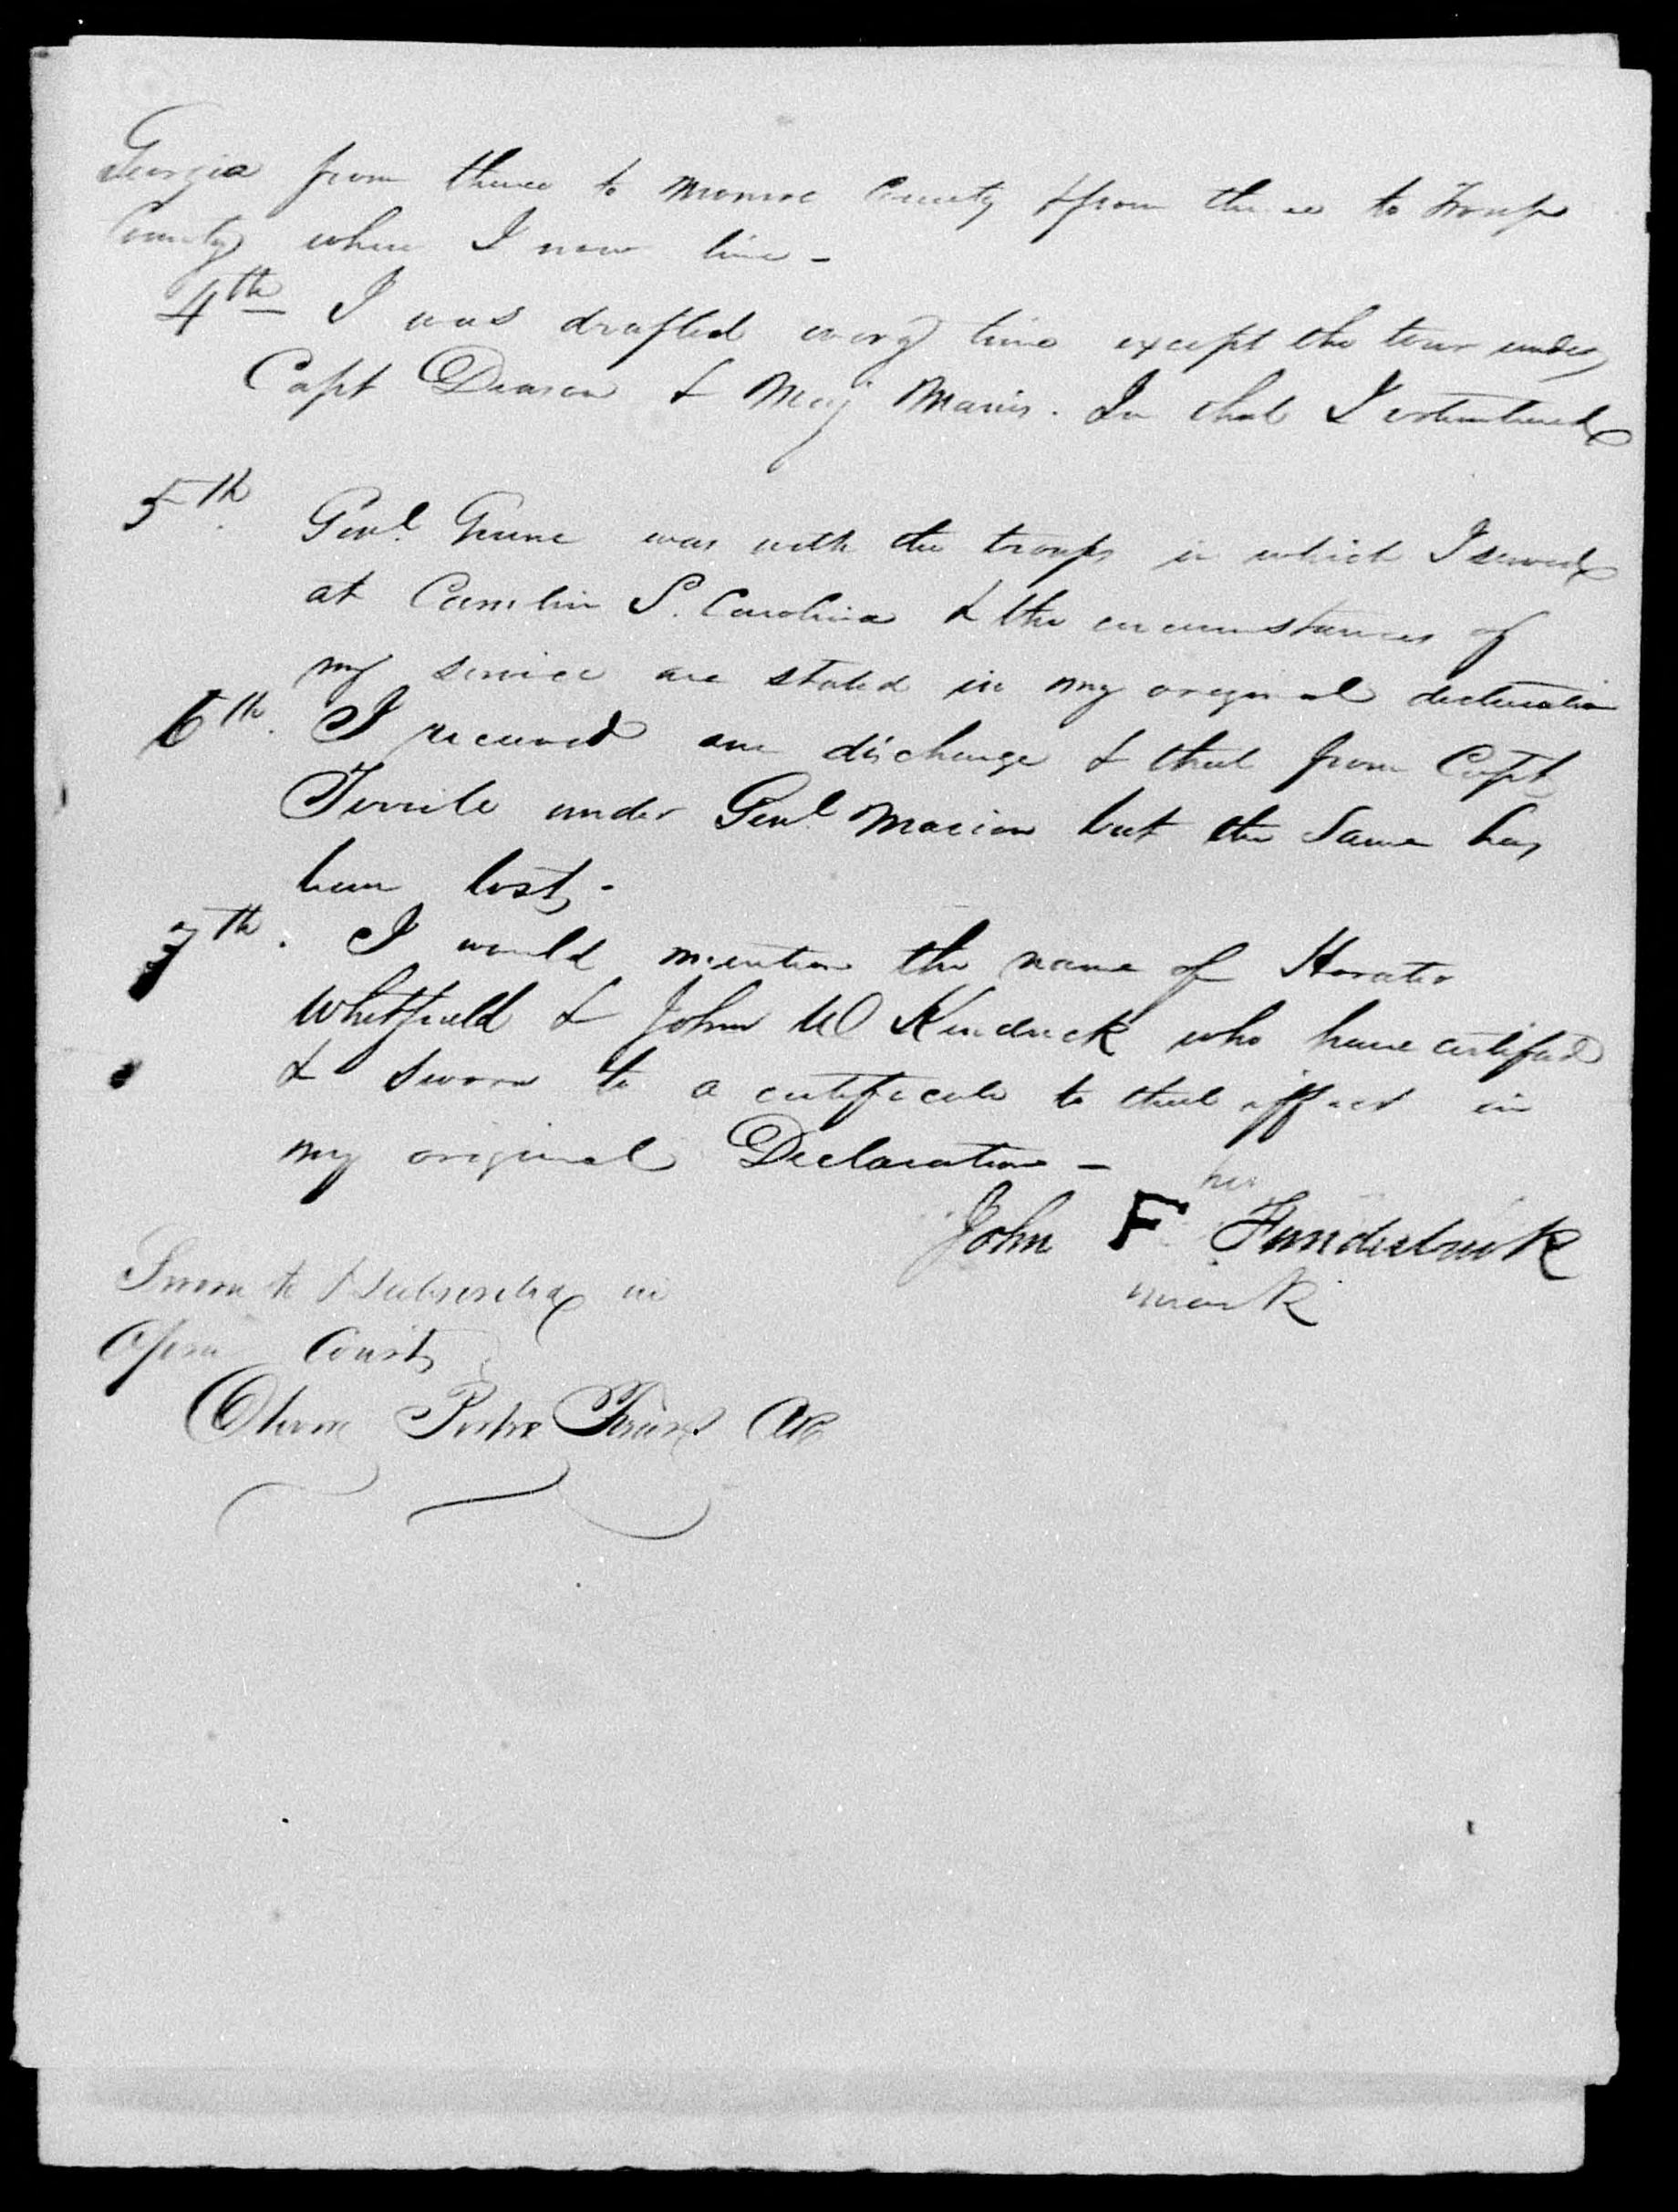Georgia from thence to Monroe County & from thence to Troup
County where I now live.
4th I was drafted every time except the tour under
Capt Deason & Maj Maris. In that I volunteered
5th Genl Greene was with the troups in which I served
at Camdin S. Carolina & the circumstances of
my service are stated in my original declaration
6th I received one discharge & that from Capt
Terrill under Genl Marion but the same has
been lost
7th I would mention the name of Horatio 
Whitfield & John D. Kendrick who have certified
& sworn to a certificate to that effect in
my original Declarations
        his
John F Funderburk
        mark

Sworn to & subscribed in
Open Court
Oliver Porter Fears [illegible]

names: John F Funderburk, Marion, Deason, Greene, John W Kendrick, Terrile, Horatio Whitfield, Marris, Oliver Porter Fears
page: 11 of 23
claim: survivor's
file: S. 31,682, John Funderbuck, S.C.